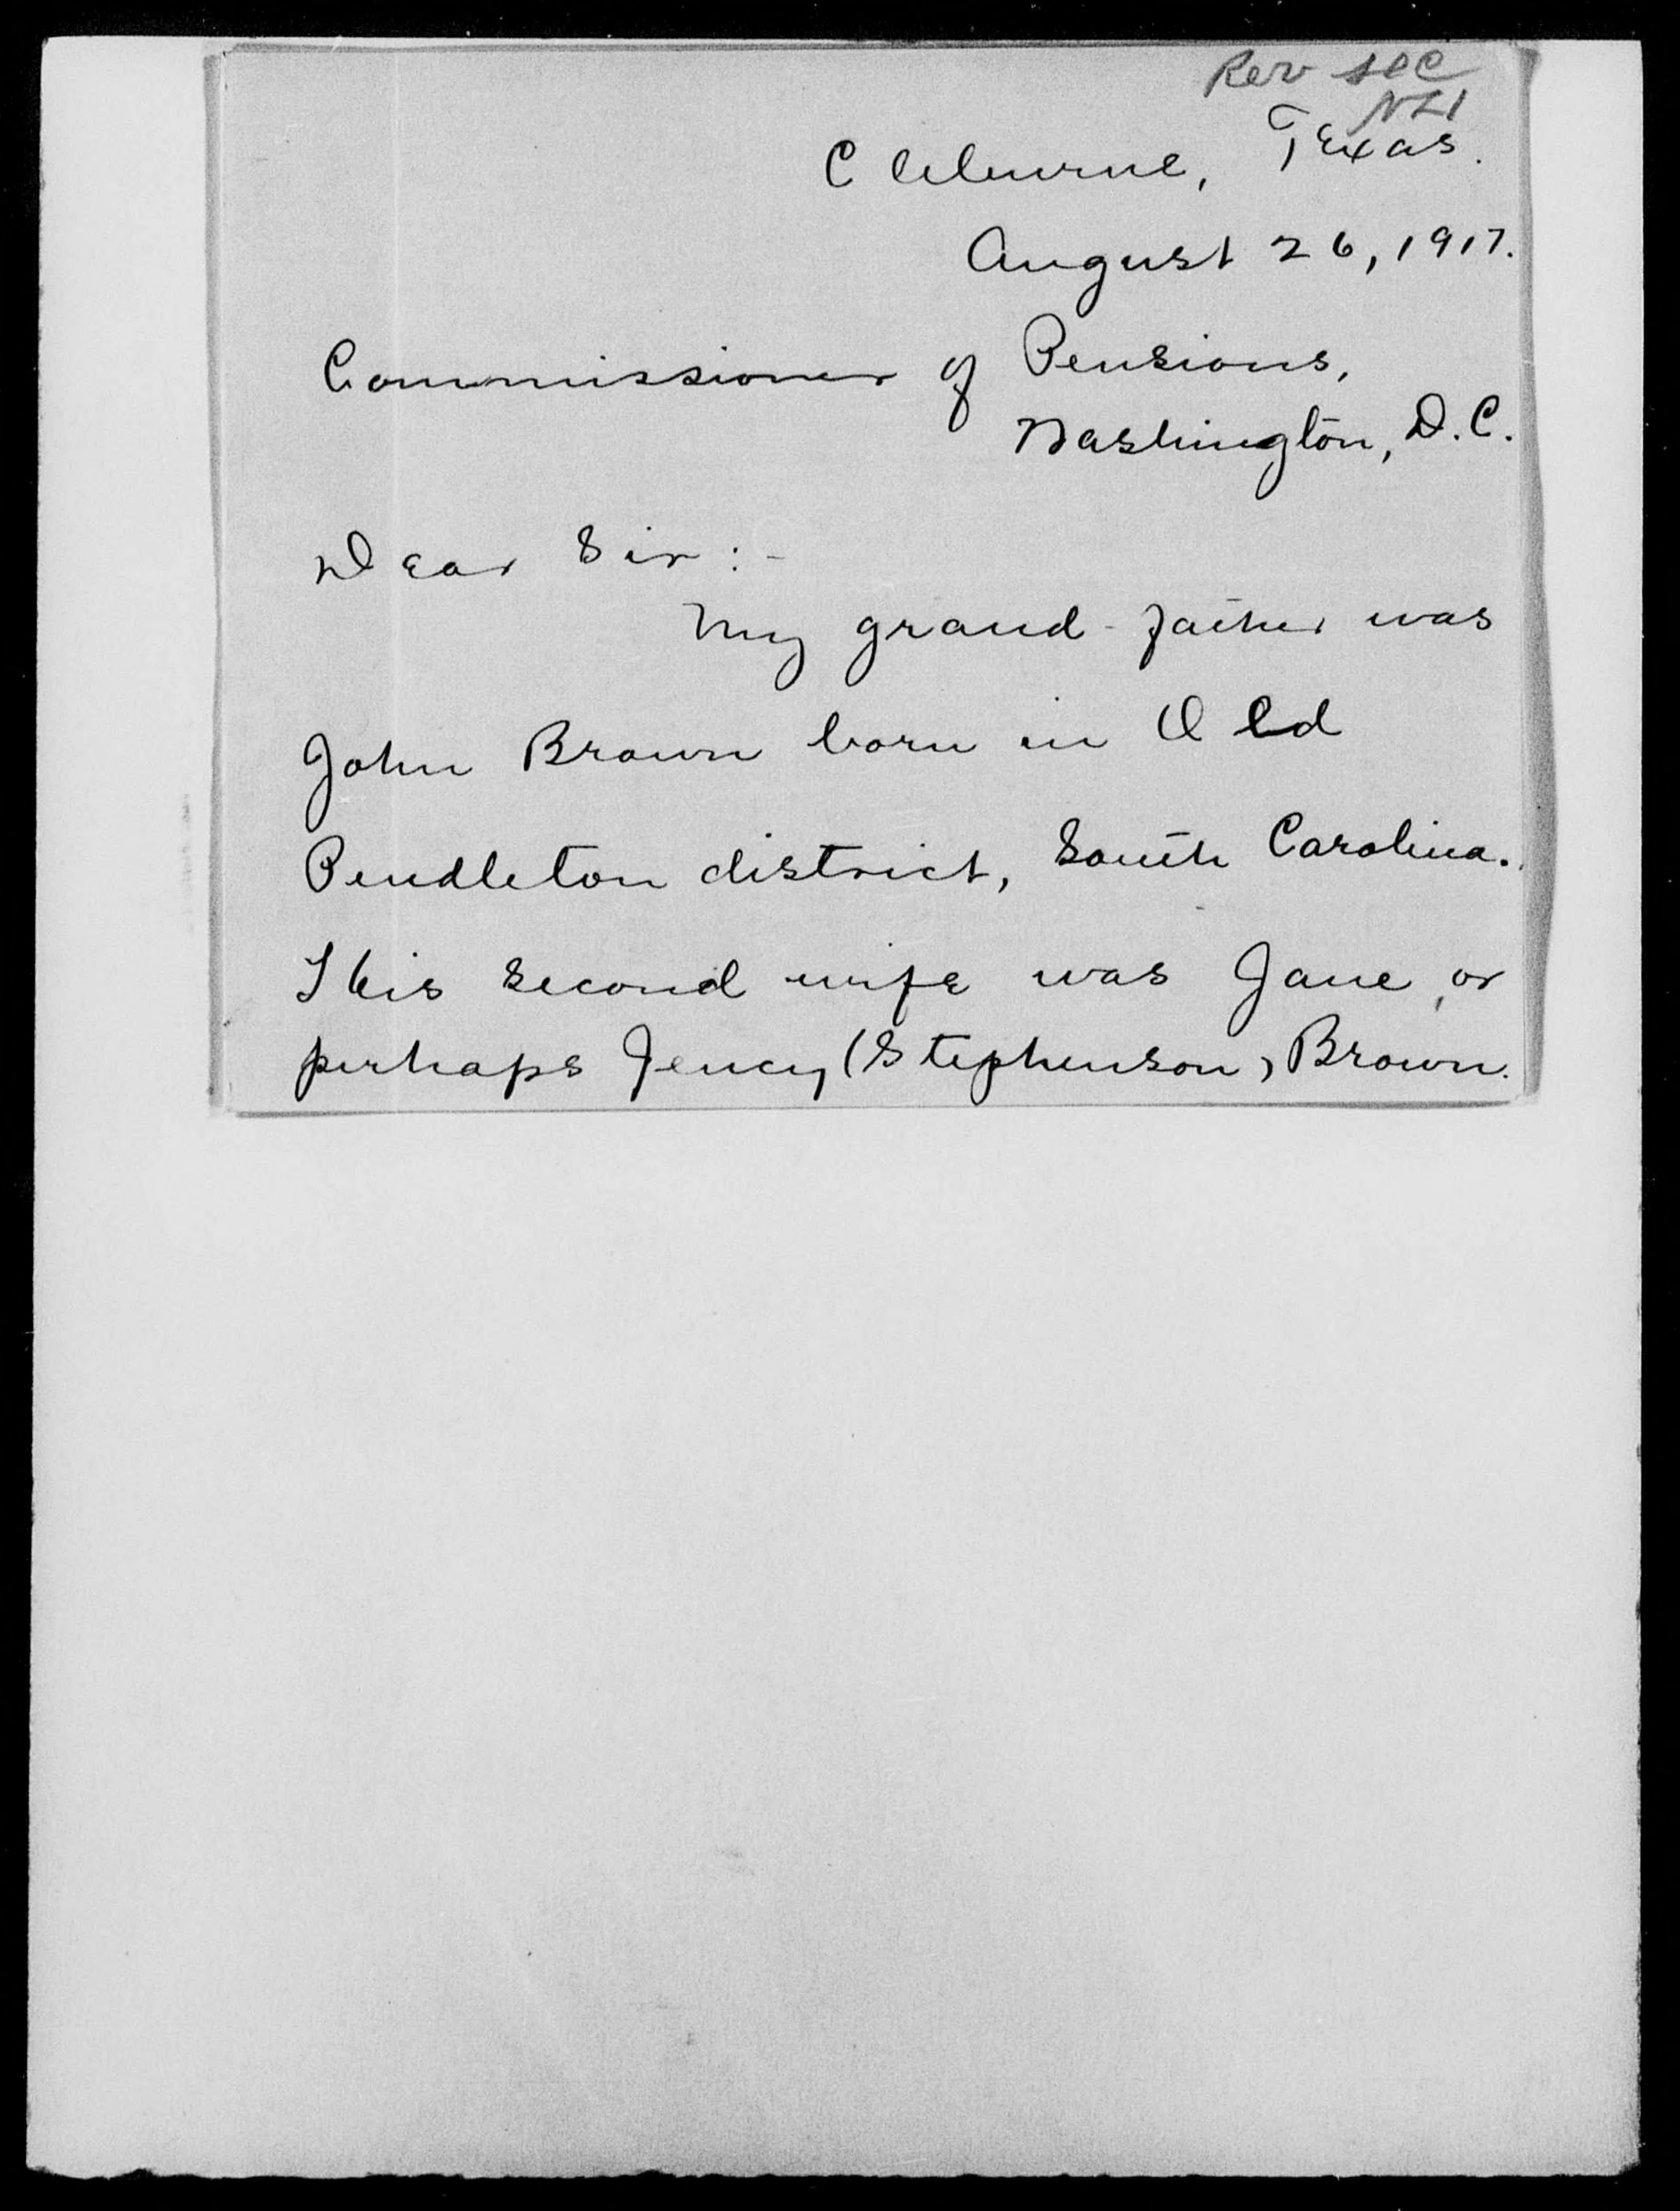Rev Sec nli
Cleburne Texas
August 26, 1917
Commissioner of Pensions
Washington, D.C.
Dear Sir- My grand father was John
Brown born in Old Pendleton district, South Carolina. his
second wife was Jane or
perhaps Jency (Stephenson) Brown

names: Jency Brown, John Brown, Jency Stephenson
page: 46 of 85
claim: widow's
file: W. 5,906, John Brown, S.C.